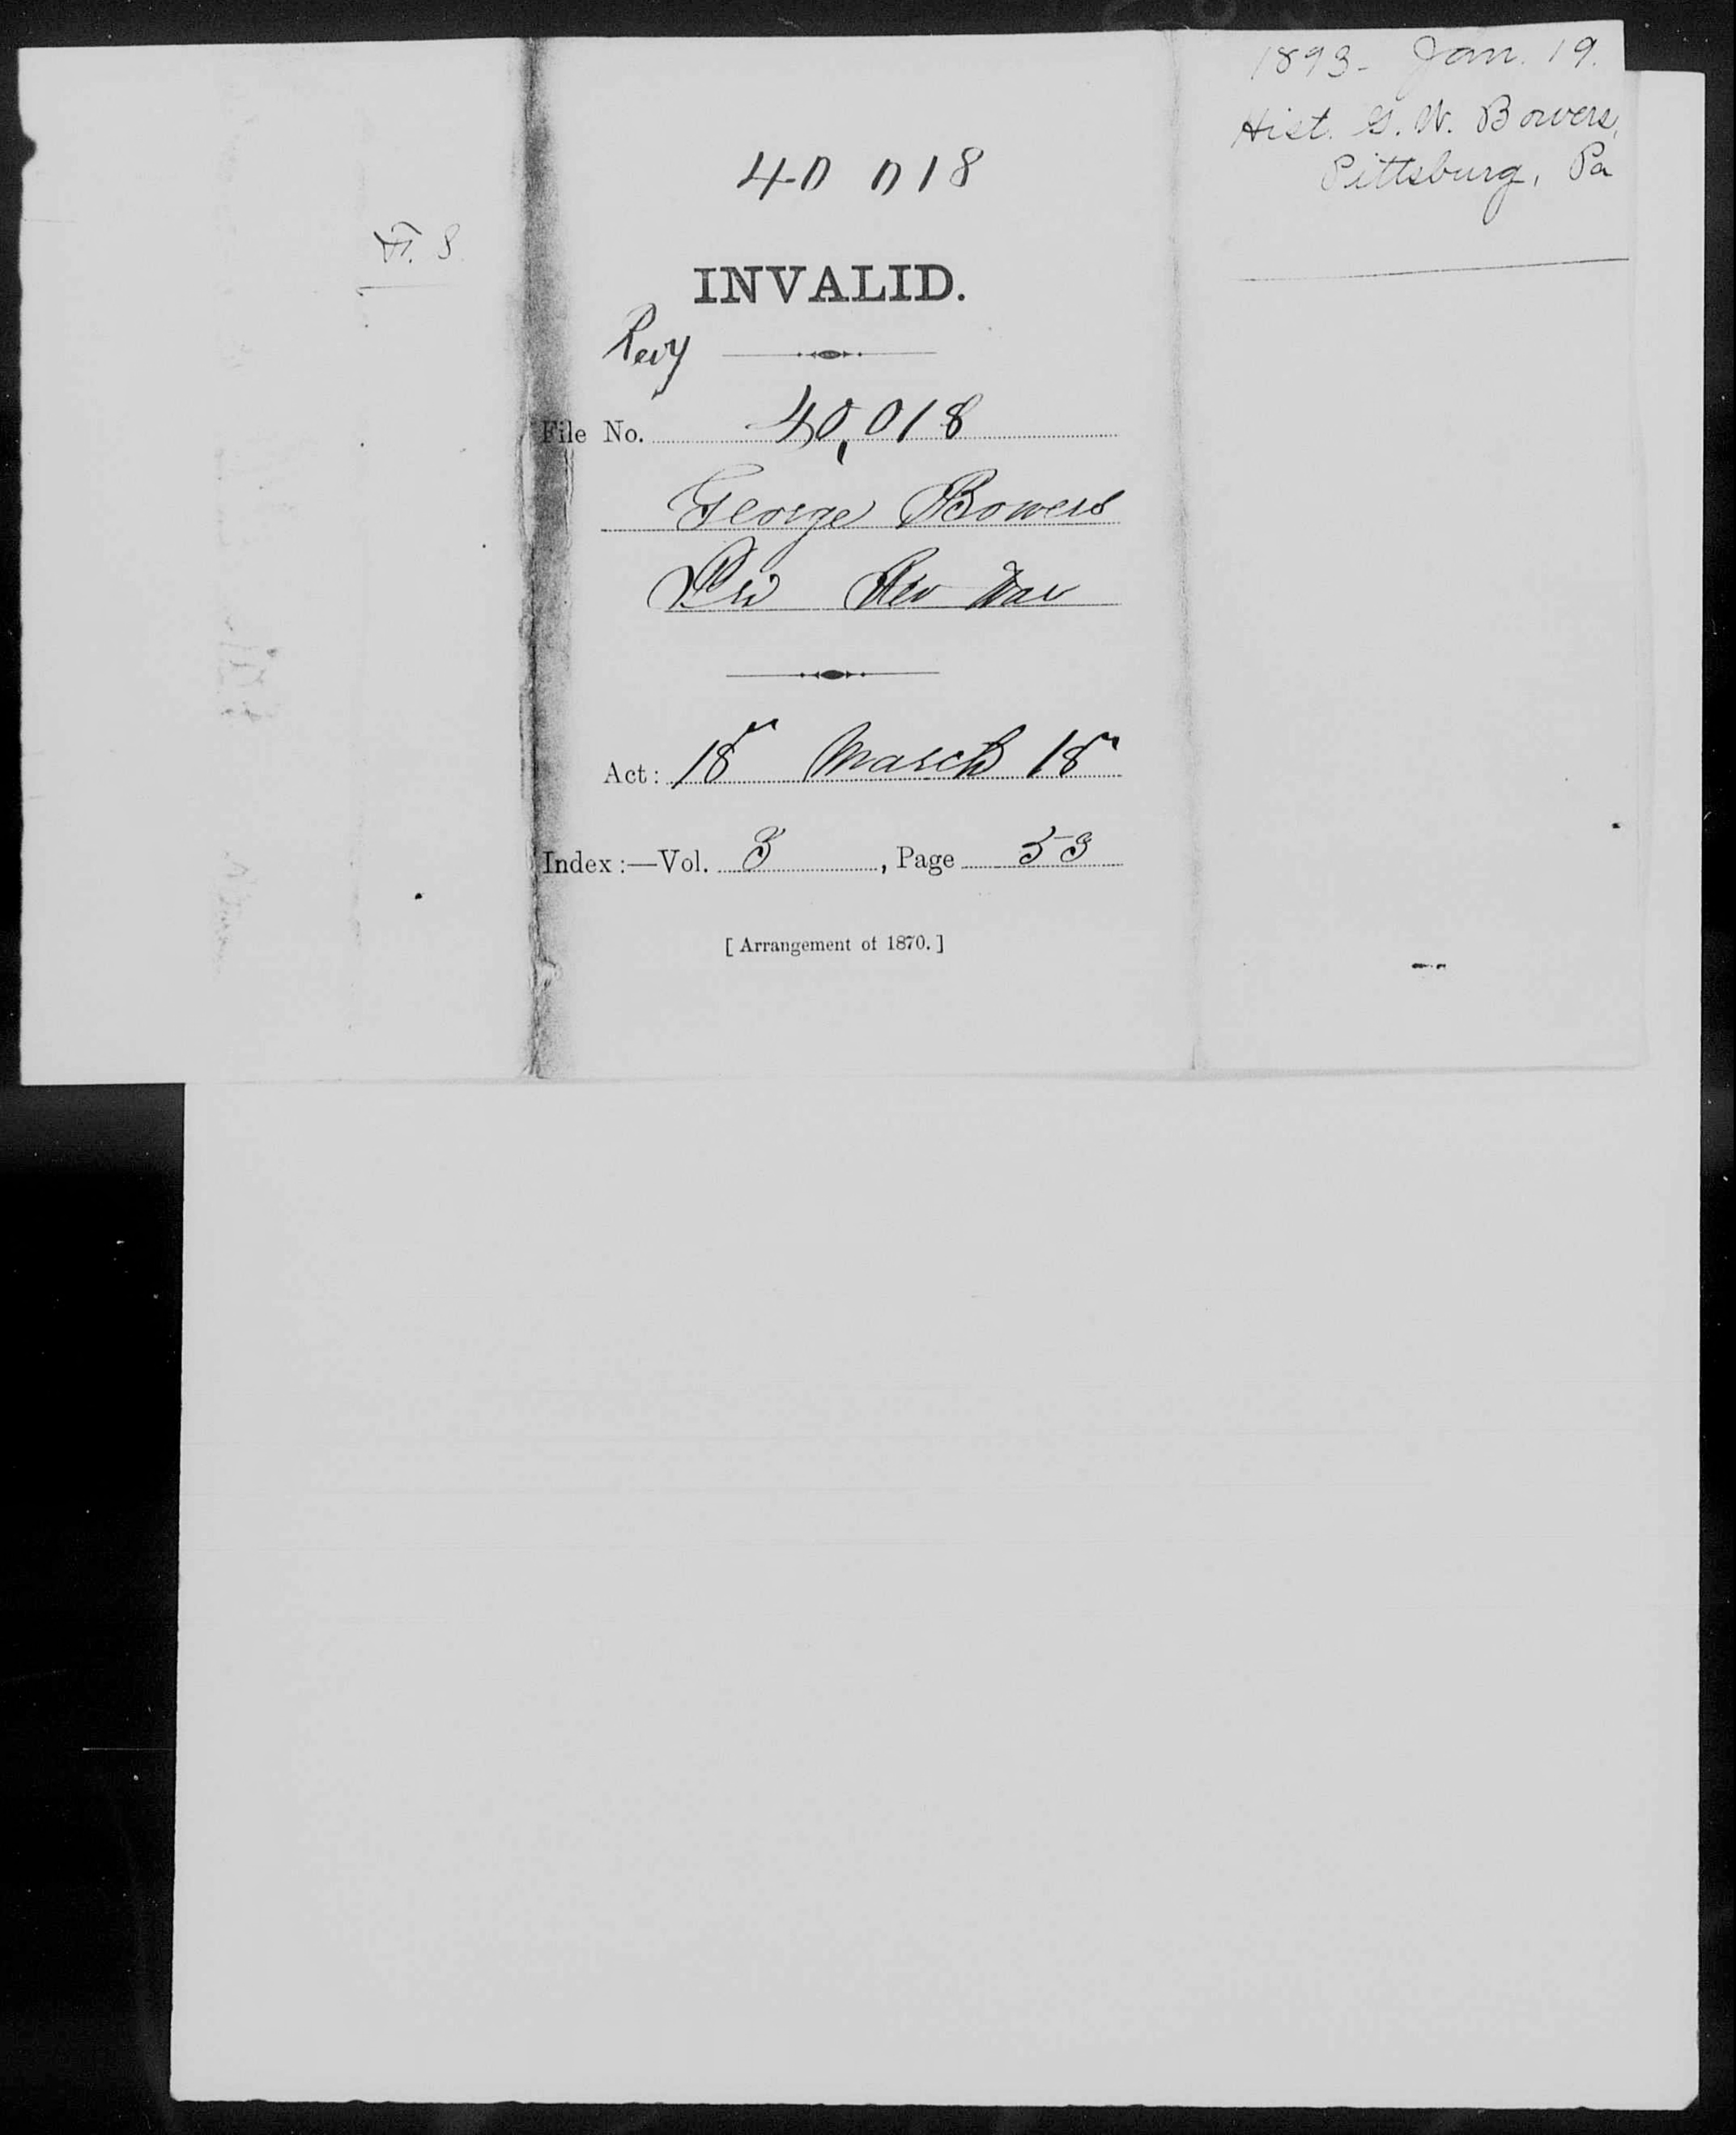[form completed in handwriting]
Revy
Invalid.
File No. 40,018

George Bowers
Pri Rev War
Act: 18th March 18

Index: - Vol. 3, Page 35
[Arrangement of 1870.]

[handwritten in upper right corner]
1893 – Jan. 18.
Hist. G. W. Bowers,
Pittsburg, Pa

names: G W Bowers, George Bowers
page: 18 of 19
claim: survivor's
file: S. 40,018, George Bowers, Md